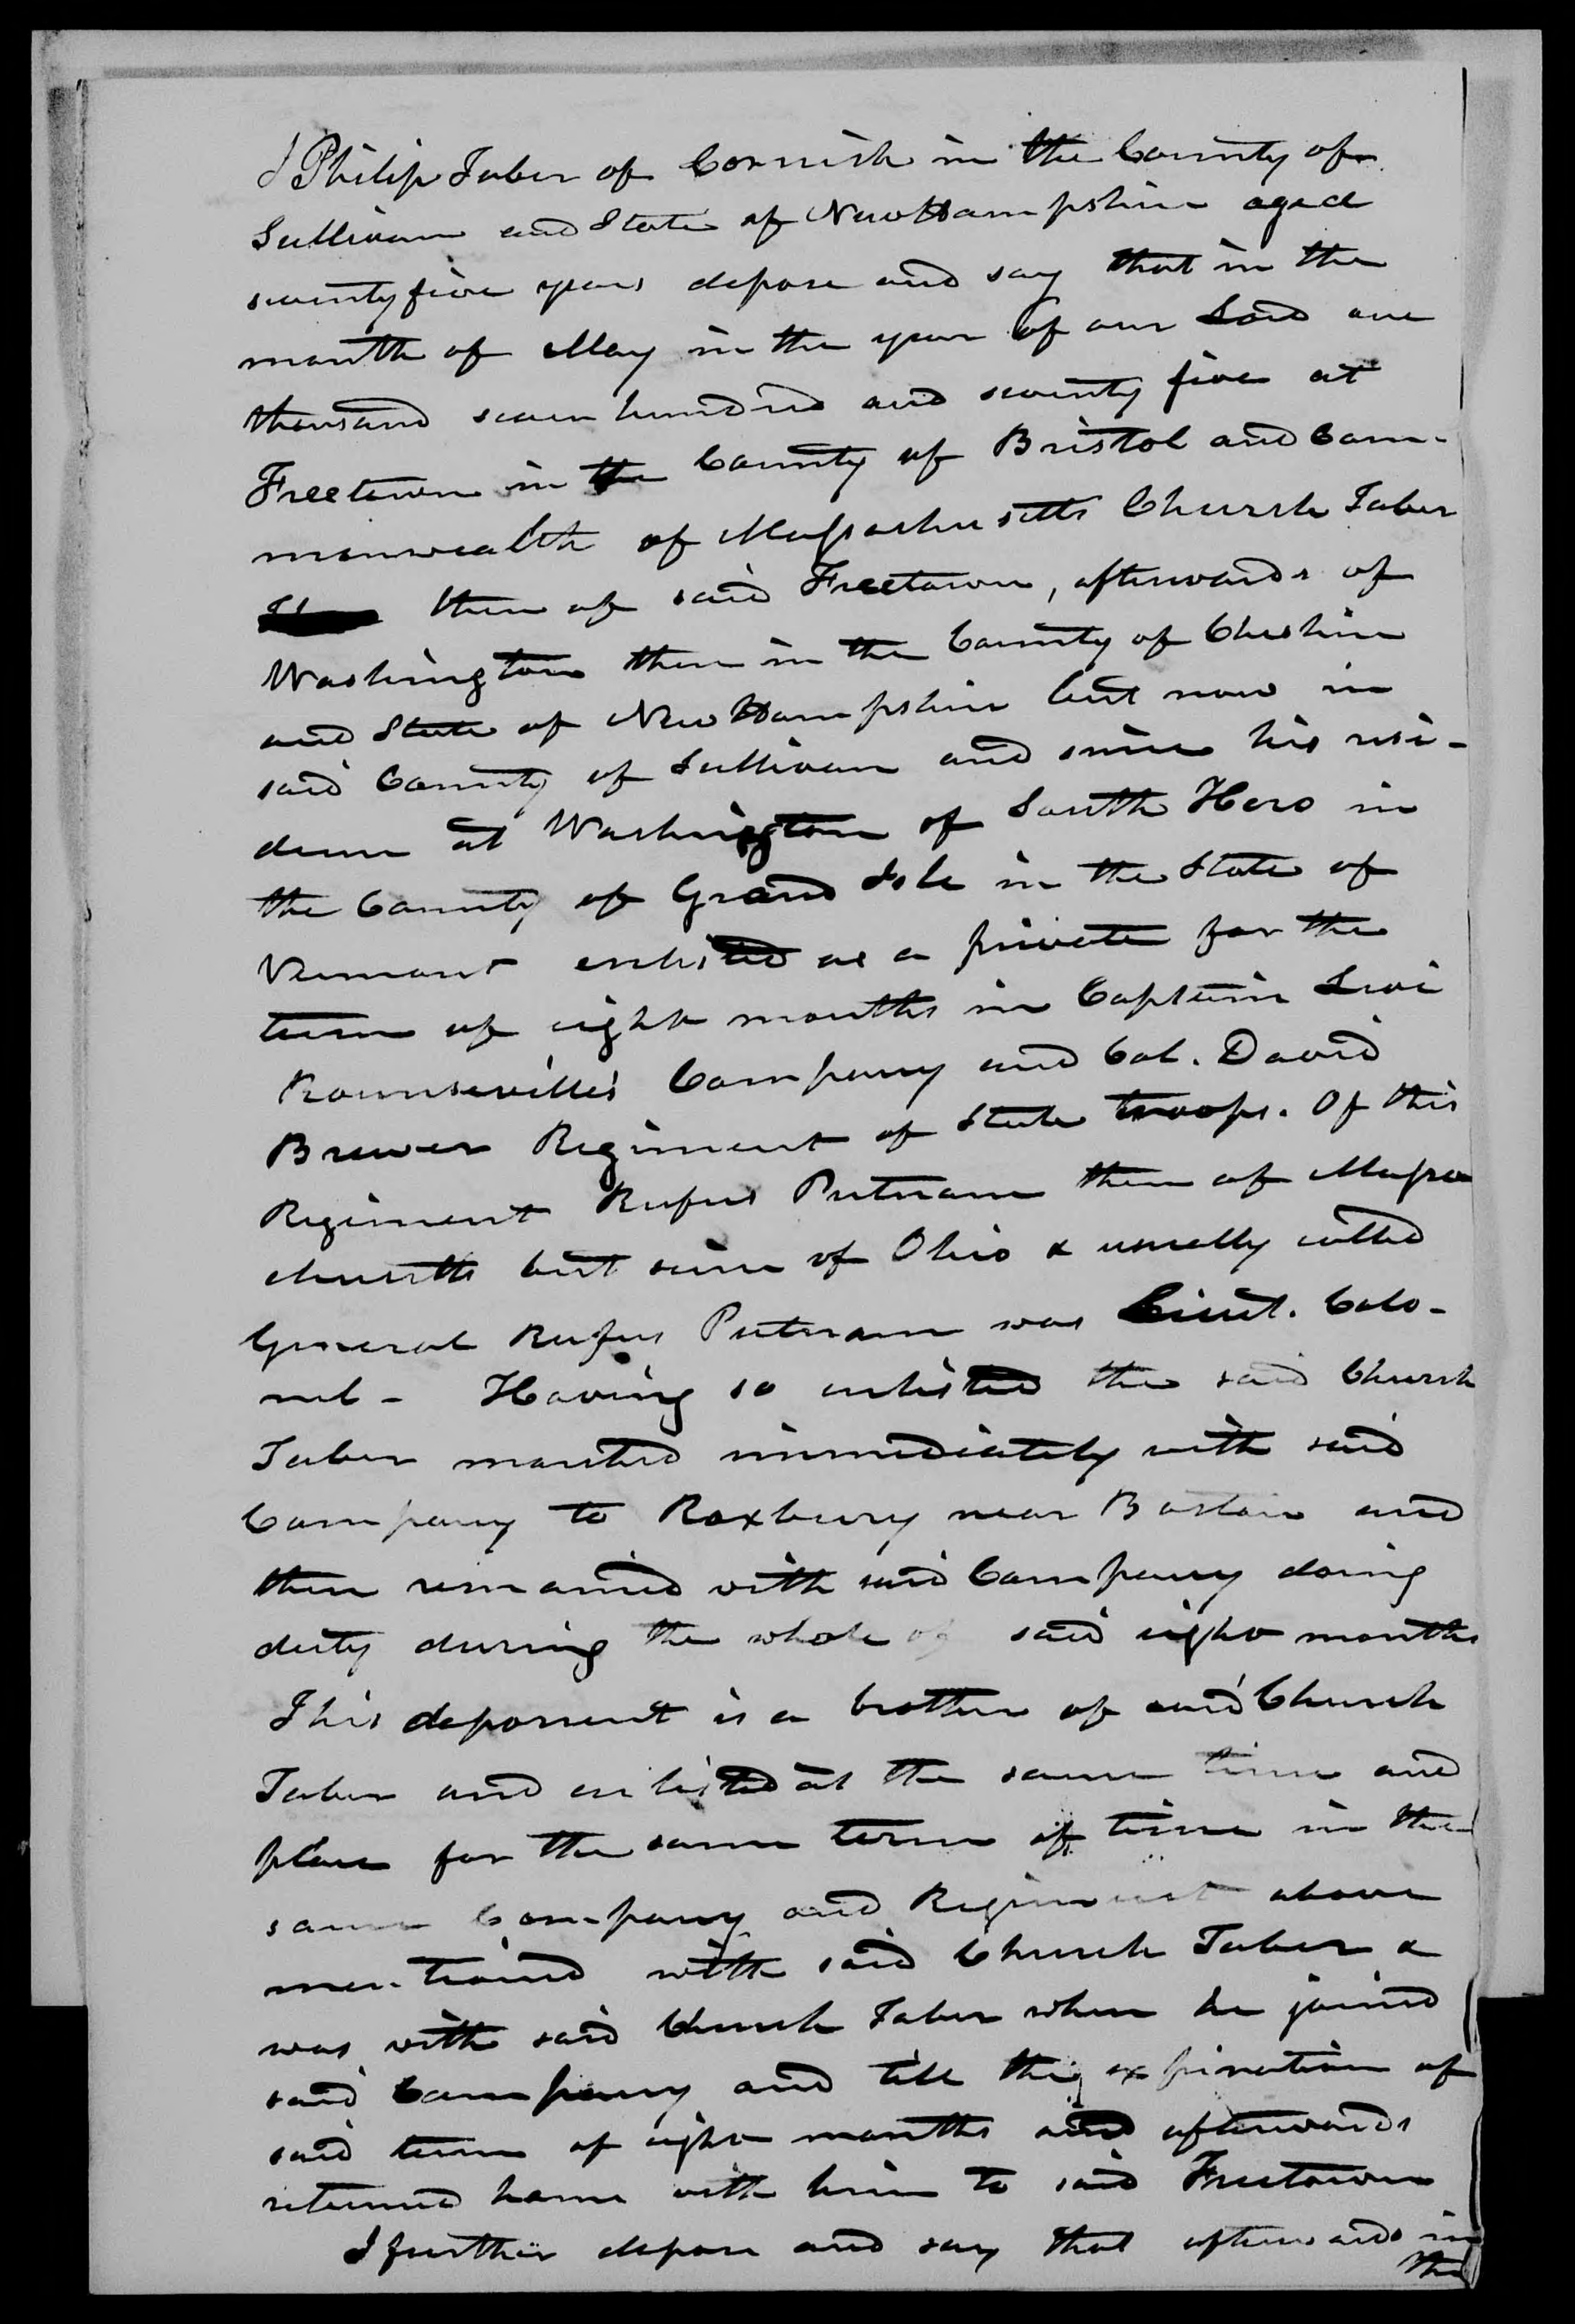I Philip Taber of Cornish in the County of Sullivan and State of New Hampshire aged seventy five years depose and say that in the month of May in the ear of our Lord one thousand seven hundred and seventy five at Freetown in the County of Bristol and Commonwealth of Massachusetts Church Taber then of said Freetown, afterwards of Washington then in the County of Cheshire and State of New Hampshire, but now in said County of Sullivan and since his residence at Washington of South Hero in the County of Grand Isle in the State of Vermont entered as private for the term of eight months in Captain Levi Rounseville's Company and Col. David Brewer Regiment of the State troops. Of this Regiment Rufus Putnam then of Massachusetts but now of Ohio and usually called General Rufus Putnam was Lieut. Colonel. Having so inlisted the said Church Tabor marched immediately with said company to Roxbury near Boston and there remained with said company doing duty during the whole of said eight months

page: 25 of 41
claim: widow's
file: W 26507, for Church Tabor, Massachusetts